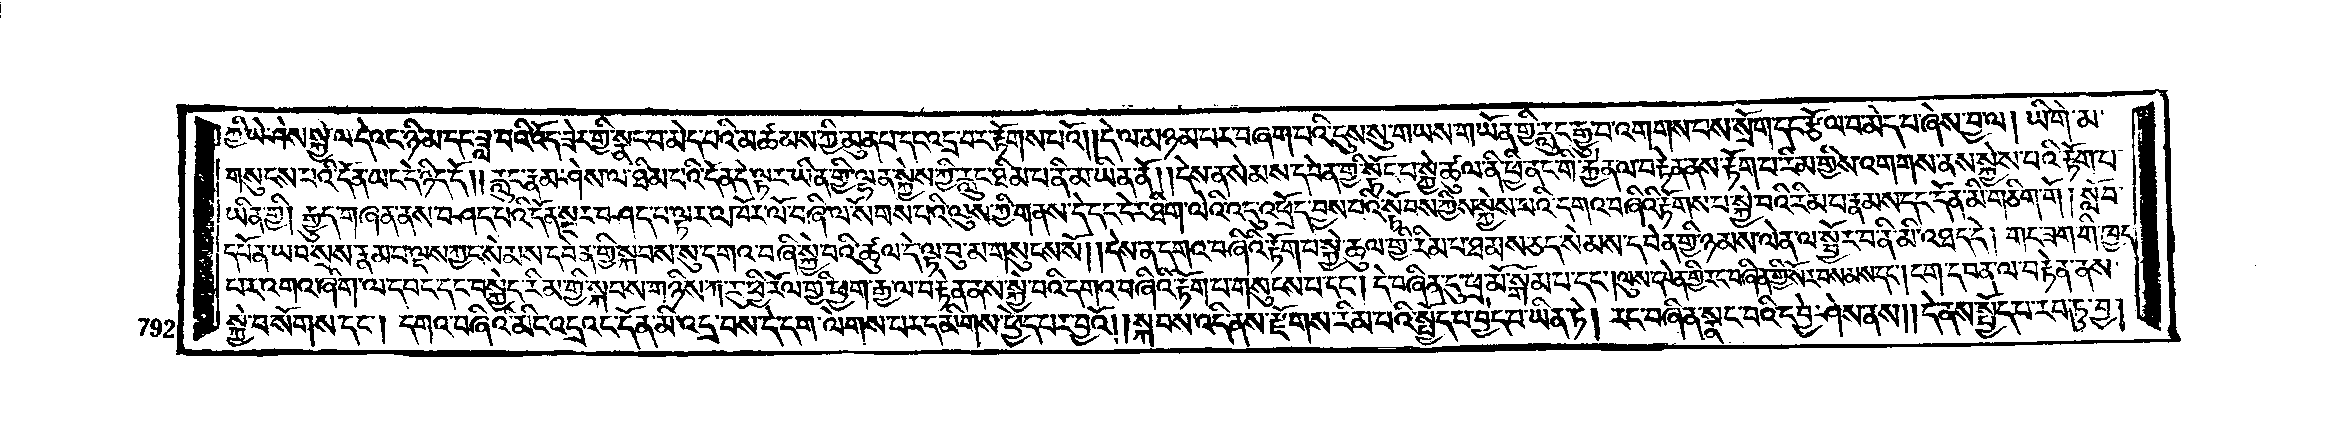ཀྱི་ཡེ་ཤེས་སྐྱེ་ལ་དེའང་ཉི་མ་དང་ཟླ་བའི་འོད་ཟེར་གྱི་སྣང་བ་མེད་པའི་མཚམས་ཀྱི་མུན་པ་དང་འདྲ་བར་རྟོགས་པའོ། །དེ་ལ་མཉམ་པར་བཞག་པའི་དུས་སུ་གཡས་གཡོན་གྱི་རླུང་རྒྱུ་བ་འགགས་པས་སྲོག་དང་རྩོལ་བ་མེད་པ་ཞེས་བྱ་ལ། ཡི་གེ་མ་
གསུངས་པའི་དོན་ཡང་དེ་ཉིད་དོ། །རླུང་རྣམ་ཤེས་ལ་ཐིམ་པའི་དོན་དེ་ལྟར་ཡིན་གྱི་ལྷན་སྐྱེས་ཀྱི་རླུང་ཐིམ་པ་ནི་མ་ཡིན་ནོ། །དེས་ན་སེམས་དབེན་གྱི་སྟོང་པ་སྐྱེ་ཚུལ་ནི་ཕྱི་ནང་གི་རྐྱེན་ལ་བརྟེན་ནས་རྟོག་པ་རིམ་གྱིས་འགགས་ནས་སྐྱེས་པའི་རྟོག་པ་
ཡིན་གྱི། རྒྱུད་གཞན་ནས་བཤད་པའི་དོན་སྔར་བཤད་པ་ལྟར་འཁོར་ལོ་བཞི་ལ་སོགས་པའི་ལུས་ཀྱི་གནས་དེ་དང་དེར་ཐིག་ལེའི་འདུ་འཕྲོད་བྱས་པའི་སྟོབས་ཀྱིས་སྐྱེས་པའི་དགའ་བཞིའི་རྟོགས་པ་སྐྱེ་བའི་རིམ་པ་རྣམས་དང་དོན་མི་གཅིག་གོ །སློབ་
དཔོན་ཡབ་སྲས་རྣམ་པ་ལྔས་ཀྱང་སེམས་དབེན་གྱི་སྐབས་སུ་དགའ་བཞི་སྐྱེ་བའི་ཚུལ་དེ་ལྟ་བུ་མ་གསུངས་སོ། །དེས་ན་དགའ་བཞིའི་རྟོག་པ་སྐྱེ་ཚུལ་གྱི་རིམ་པ་ཐམས་ཅད་སེམས་དབེན་གྱི་ཉམས་ལེན་ལ་སྦྱོར་བ་ནི་མི་འཐད་དེ། གང་ཟག་གི་ཁྱད་
པར་འགའ་ཞིག་ལ་དབང་དང་བསྐྱེད་རིམ་གྱི་སྐབས་གཉིས་ཀ་རུ་ཕྱི་རོལ་གྱི་ཕྱག་རྒྱ་ལ་བརྟེན་ནས་སྐྱེ་བའི་དགའ་བཞིའི་རྟོག་པ་གསུངས་པ་དང་། དེ་བཞིན་དུ་ཕྲ་མོ་སྒོམ་པ་དང་། ལུས་དབེན་གྱི་རང་བཞིན་གྱི་སོར་བསམས་དང་། ངག་དབེན་ལ་བརྟེན་ནས་
སྐྱེ་བ་སོགས་དང་། དགའ་བཞིའི་མིང་འདྲའང་དོན་མི་འདྲ་བས་དེ་དག་ལེགས་པར་དམིགས་ཕྱེད་པར་བྱའོ། །སྐབས་འདི་ནས་རྫོགས་རིམ་པའི་སྤྱོད་པ་བྱེད་པ་ཡིན་ཏེ། རང་བཞིན་སྣང་བའི་དབྱེ་ཤེས་ནས། །དེ་ནས་སྤྱོད་པ་རབ་ཏུ་བྱ།